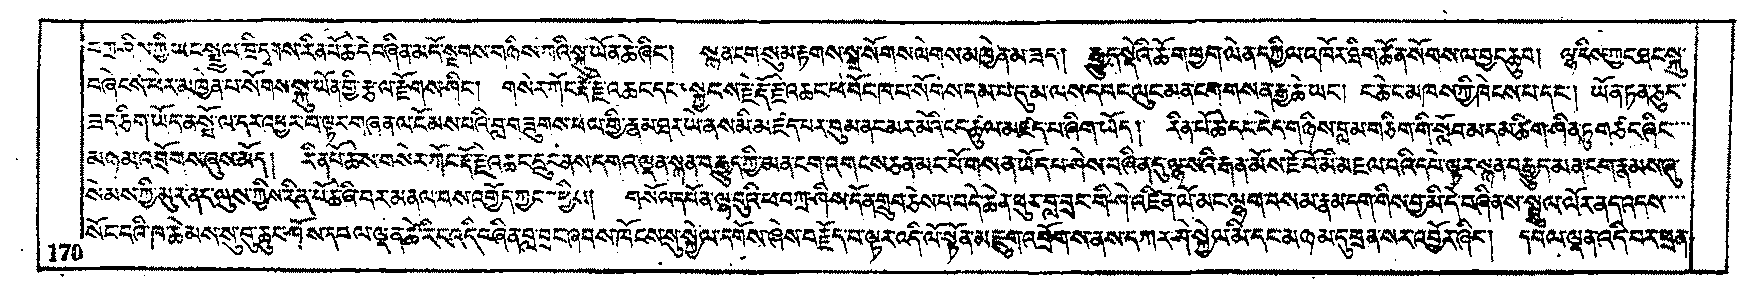བཀྲ་ཤིས་ཀྱི་ཡང་སྤྲུལ་ཁྲི་དྭགས་རིན་པོ་ཆེ་དེ་བཞིན་མདོ་སྔགས་གཉིས་ཀའི་སྐུ་ཡོན་ཆེ་ཞིང་། སྙན་ངག་སུམ་རྟགས་སྒྲ་སོགས་ལེགས་མཁྱེན་མ་ཟད། རྒྱུད་སྡེའི་ཆོ་ག་ཕྱག་ལེན་དཀྱིལ་འཁོར་ཐིག་ཚོན་སོགས་ལ་བྱང་ཆུབ། ལྷ་རིས་ཀྱང་ཐང་སྐུ་
བཞེངས་ཕེར་མཁྱེན་པ་སོགས་སྐུ་ཡོན་གྱི་རྩལ་རྫོགས་ཤིང་། གསེར་ཀོང་རྡོ་རྗེ་འཆང་དང་༧་སྐྱབས་རྗེ་རྡོ་རྗེ་འཆང་ཕ་བོང་ཁ་པ་སོགས་དམ་པ་དུ་མ་ལས་དབང་ལུང་མན་ངག་གསན་རྒྱ་ཆེ་ཡང་། ང་ཆེ་ང་མཁས་ཀྱི་ཁེངས་པ་དང་། ཡོན་ཏན་ཅུང་
ཟད་ཅིག་ཡོད་ན་སྤོ་ལ་དར་འཕྱར་བ་ལྟར་གཞན་ལ་ངོམས་པའི་བླ་གཟུགས་ཕལ་གྱི་རྣམ་ཐར་ཡེ་ནས་མི་མཛད་པར་བུམ་ནང་མར་མེའི་ངང་ཚུལ་མཛད་པ་ཞིག་ཡོད། རིན་པོ་ཆེ་དང་ངེད་གཉིས་བླ་མ་གཅིག་གི་སློབ་མ་དམ་ཚིག་ཤིན་ཏུ་གཙང་ཞིང་
མཉམ་འགྲོགས་ཞུས་མོད། རིན་པོ་ཆེས་གསེར་ཀོང་རྡོ་རྗེ་འཆང་དྲུང་ནས་དགའ་ལྡན་སྙན་བརྒྱུད་ཀྱི་མན་ངག་འགངས་ཅན་མང་པོ་གསན་ཡོད་པ་ཤེས་བཞིན་དུ་ལྷ་སའི་རྒན་མོས་ཇོ་བོ་མི་མཇལ་བའི་དཔེ་ལྟར་སྙན་བརྒྱུད་མན་ངག་རྣམས་ཞུ་
སེམས་ཀྱི་མུར་ནང་ལུས་ཀྱིས་རིན་པོ་ཆེ་ཞི་བར་མནལ་བས་འགྱོད་ཀྱང་ཕྱིས། གསོལ་དཔོན་ལྷ་བུའི་ཕ་བཀྲ་ཤིས་དོན་གྲུབ་ཅེས་པ་བདེ་ཆེན་ཕུར་བླ་བྲང་གི་ཤེ་འཛིན་ལོ་མང་ལྷག་བསམ་རྣམ་དག་གིས་བྱ་མི་དེ་བཞིན་ས་སྤྲུལ་ལོར་ནད་འདས་
སོང་བའི་ཁ་ཆེམས་སུ་བུ་ཆུང་ཤོས་དཔལ་ལྡན་ཚེ་རིང་འདི་བཞིན་བླ་བྲང་ཞབས་ཁོངས་སུ་སྐྱེལ་དགོས་ཞེས་བརྗོད་པ་ལྟར་འདི་ལོ་སྟོན་མཇུག་འཕྲོག་ས་ནས་དཀར་ཤེ་སྐྱེལ་མི་དང་མཉམ་དུ་ཕྲན་སར་འབྱོར་ཞིང་། དཔལ་ལྡན་འདི་བར་ཕྲན་